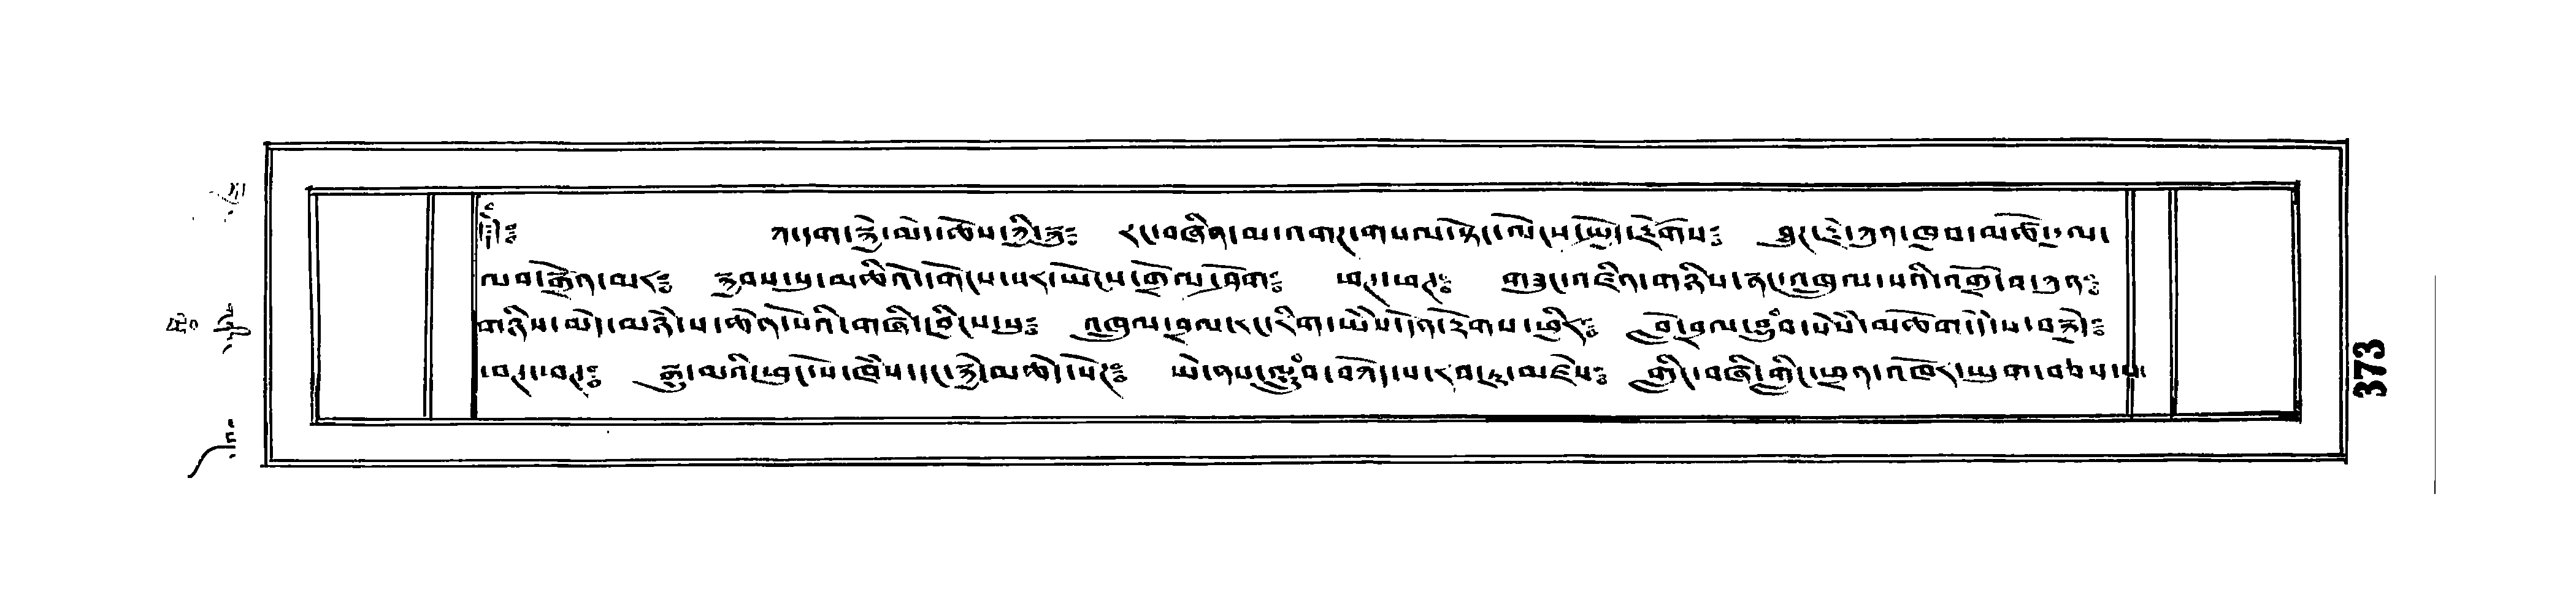ཀ་དག་སྐྱེ་མེད་ཆོས་ཀྱི་སྐུ༔ རང་བཞིན་མ་འགགས་གསལ་སྟོང་ལོངས་སྤྱོད་རྫོགས༔ ཐུགས་རྗེ་ཀུན་ཁྱབ་མཚོ་རྒྱལ་
ལབ་སྒྲོན་མར༔ སྐྱབས་སུ་མཆིའོ་དགོངས་པར་ཡོངས་གྲོལ་ཤོག༔ ཕཊ་ཕཊཿ གཟུང་འཛིན་གཉིས་སྣང་འཁྲུལ་པའི་འགྲོ་བ་ཀུན༔ 
གཉིས་མེད་མཉམ་པ་ཆེན་པོའི་གཞི་དབྱིངས་སུ༔ འཁྲུལ་བྲལ་རང་རིག་ཡེ་ཤེས་དོན་རྟོགས་ཕྱིར༔ བློ་བྲལ་བྱང་ཆུབ་སེམས་མཆོག་དམ་པ་བསྐྱེད༔ 
ཕཊ་ཕཊཿ སྒྱུ་མའི་ཕུང་པོ་ཁམས་དང་སྐྱེ་མཆེད་སོགས༔ ཡེ་ནས་ལྷུན་གྲུབ་བཀོད་པ་རབ་ཏུ་མཛེས༔ གླིང་བཞི་གླིང་ཕྲན་འཁོར་ཡུག་བཅས་པ་